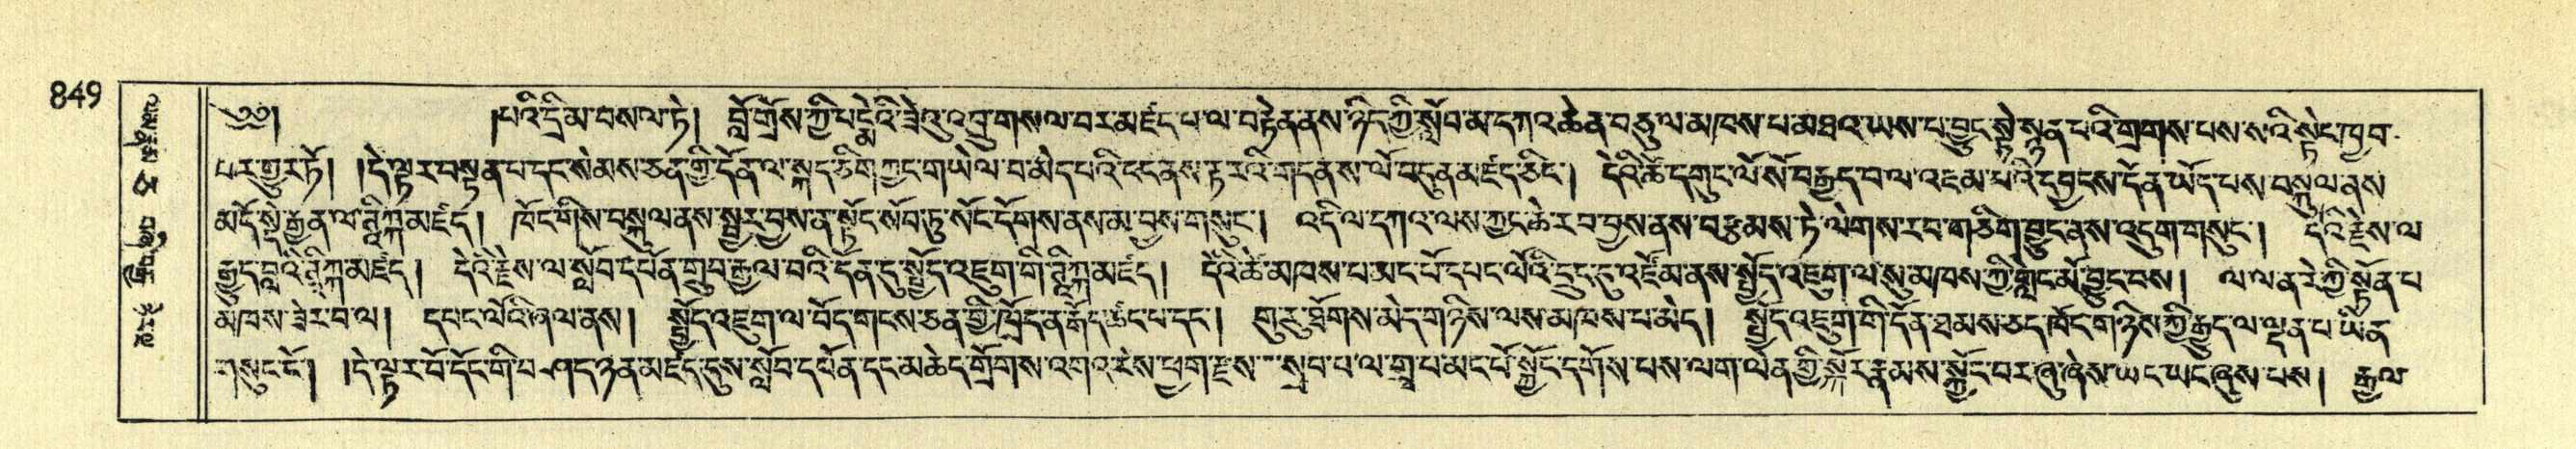༄༅། །པའི་དྲི་མ་བསལ་ཏེ། བློ་གྲོས་ཀྱི་པདམེའི་ཟེའུ་འབྲུ་གསལ་བར་མཛད་པ་ལ་བརྟེན་ནས་ཉིད་ཀྱི་སློབ་མ་དཀའ་ཆེན་བཅུ་ལ་མཁས་པ་མཐའ་ཡས་པ་བྱུང་སྟེ་སྙན་པའི་གྲགས་པས་སའི་སྟེང་ཁྱབ་
པར་གྱུར་ཏོ། །དེ་ལྟར་བསྟན་པ་དང་སེམས་ཅན་གྱི་དོན་ལ་སྐད་ཅིག་ཀྱང་གཡེལ་བ་མེད་པའི་ངང་ནས་རྟ་རའི་གདན་ས་ལོ་བདུན་མཛད་ཅིང་། དེའི་ཚེ་དགུང་ལོ་སོ་བརྒྱད་བ་ལ་འཇམ་པའི་དབྱངས་དོན་ཡོད་པས་བསྐུལ་ནས་
མདོ་སྡེ་རྒྱན་ལ་ཊཱིཀྐ་མཛད། ཁོང་གིས་བསྐུལ་ནས་སྦྱར་བྱས་ན་སྟོང་སོབ་ཏུ་སོང་དོགས་ནས་མ་བྱས་གསུང་། འདི་ལ་དཀའ་ལས་ཀྱང་ཆེ་རབ་བྱས་ནས་བརྩམས་ཏེ་ལེགས་རབ་གཅིག་བྱུང་ནས་འདུག་གསུང་། དེའི་རྗེས་ལ་
རྒྱུད་བླའི་ཊཱིཀྐ་མཛད། དེའི་རྗེས་ལ་སློབ་དཔོན་གྲུབ་རྒྱལ་བའི་དོན་དུ་སྤྱོད་འཇུག་གི་ཊཱིཀྐ་མཛད། དེའི་ཚེ་མཁས་པ་མང་པོ་དཔང་ལོའི་དྲུང་དུ་འཛོམ་ནས་སྤྱོད་འཇུག་ལ་སུ་མཁས་ཀྱི་གླེང་མོ་བྱུང་བས། ལ་ལན་རེ་ཀྱི་སྟོན་པ་
མཁས་ཟེར་བ་ལ། དཔང་ལོའི་ཞལ་ནས། སྤྱོད་འཇུག་ལ་བོད་གངས་ཅན་གྱི་ཁྲོད་ན་རྒོད་ཚང་པ་དང་། གུ་རུ་ཐོགས་མེད་གཉིས་ལས་མཁས་པ་མེད། སྤྱོད་འཇུག་གི་དོན་ཐམས་ཅད་ཁོང་གཉིས་ཀྱི་རྒྱུད་ལ་ལྡན་པ་ཡིན་
གསུང་ངོ། །དེ་ལྟར་བོ་དོང་གི་བཤད་ཉན་མཛད་དུས་སློབ་དཔོན་དང་མཆེད་གྲོགས་འགའ་རེས་ཕྱག་རྫས་སྲབ་པ་ལ་གྲྭ་པ་མང་པོ་སྐྱོང་དགོས་པས་ལག་ལེན་གྱི་སྐོར་རྣམས་སྐྱོང་བར་ཞུ་ཞེས་ཡང་ཡང་ཞུས་པས། རྒྱལ་